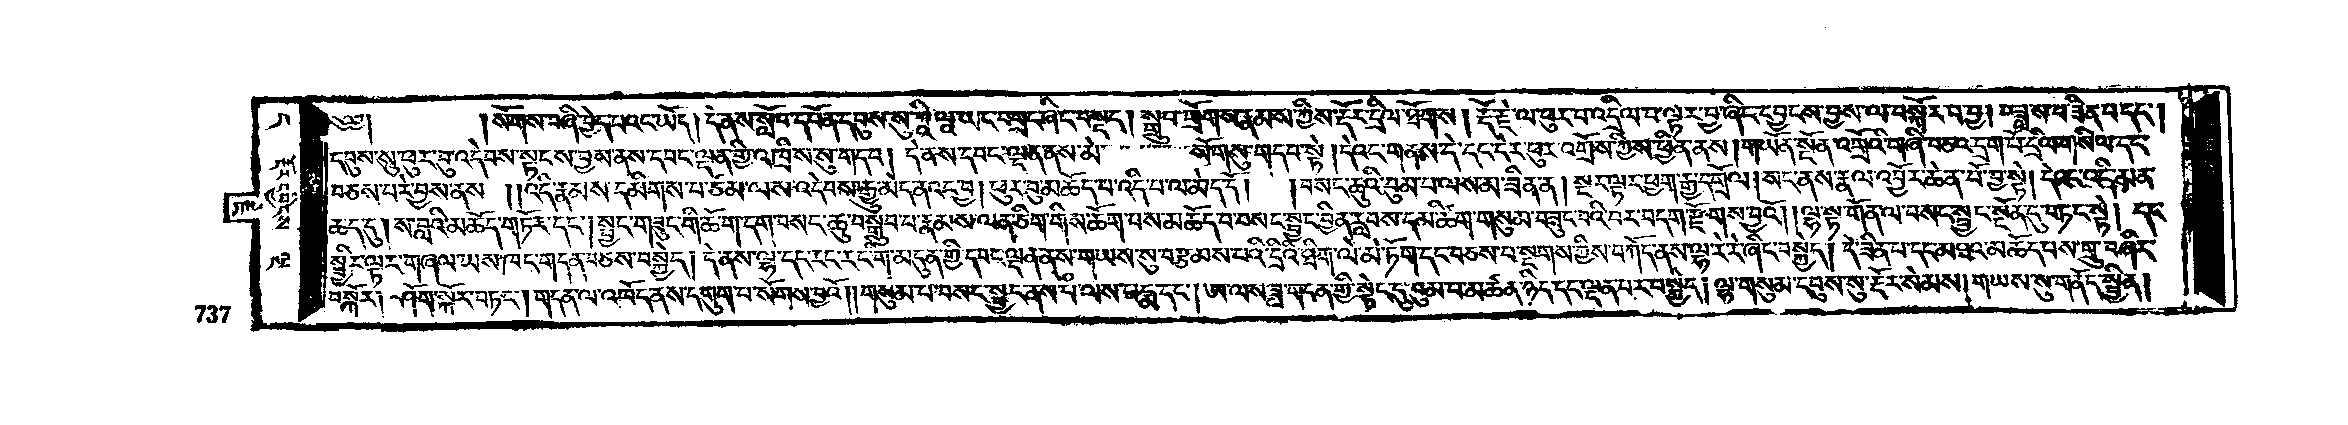༄༅། །སོགས་བཞི་བྱེད་པའང་ཡོད། དེ་ནས་སློབ་དཔོན་དབུས་སུ་ཀཱི་ལཱ་ཡང་བགྲང་ཞིང་བསྡད། སྒྲུབ་གྲོགས་རྣམས་ཀྱིས་རྡོར་དྲིལ་ཐོགས། རྡོ་རྗེ་ལ་ཕུར་པ་འདྲིལ་བ་ལྟར་བྱ་ཞིང་དབྱངས་བྱས་ལ་བསྐོར་བ་བྱ། བཟླས་པ་ཟིན་པ་དང་།
དབུས་སུ་ཕུར་བུ་འདེབས་སྟངས་བྱས་ནས་དབང་ལྡན་གྱི་འཁྲིས་སུ་གདབ། དེ་ནས་དབང་ལྡན་ནས་མེ་སོགས་སུ་གདབ་སྟེ། དེའང་གནས་དེ་དང་དེར་ཕུར་འགྲོས་ཀྱིས་ཕྱིན་ནས། གཡོན་སྔོན་འགྲོའི་གཞི་བཅའ་དྲག་པོ་དྲིལ་གསིལ་དང་
བཅས་པ་རེ་བྱས་ནས། །འདི་རྣམས་དམིགས་པ་ཙམ་ལས་འདེབས་རྒྱུ་མེད་ནའང་བྱ། ཕུར་བུ་མཆོད་པ་འདི་པ་ལ་མེད་དོ། །བསང་ཆུའི་བུམ་པ་ལས་མ་ཟིན་ན། སྔར་ལྟར་ཕྱག་རྒྱ་དགྲོལ། སང་ནས་རྣལ་འབྱོར་ཆེན་པོ་བྱ་སྟེ། དེའང་འདི་མན་
ཆད་དུ། ས་བླའི་མཆོད་གཏོར་དང་། སྤྱང་གཟུང་གི་ཆོ་ག་དག་བསང་ཆུ་བསྒྲུབ་པ་རྣམས་ལན་ཅིག་གིས་ཆོག་པས་མཆོད་པ་བསང་སྦྱང་བྱིན་རླབས་དམ་ཚིག་གསུམ་བཟུང་བའི་བར་བདག་རྫོགས་བྱའོ། །ལྷ་སྟ་གོན་ལ་བསང་སྦྱང་སྔོན་དུ་བཏང་སྟེ། དང་
སྤྱིར་ལྟར་གཞལ་ཡས་ཁང་གདན་བཅས་བསྐྱེད། དེ་ནས་ལྷ་དང་རང་རང་གི་མདུན་གྱི་དབང་ལྡན་ནས་གཡས་སུ་བརྩམས་པའི་དྲིའི་ཐིག་ལེ་མེ་ཏོག་དང་བཅས་པ་སྔགས་ཀྱིས་བཀོད་ནས་ལྷ་རེ་རེ་ཞིང་བསྐྱེད། དེ་ཟིན་པ་དང་མཐའ་མཆོད་པས་གྲུ་བཞིར་
བསྐོར། ཤོག་སྐོར་བཏང་། གདན་ལ་འཁོད་ནས་དགུག་པ་སོགས་བྱའོ། །གསུམ་པ་བསང་སྦྱང་ནས་པཾ་ལས་པདམ་དང་། ཨ་ལས་ཟླ་གདན་གྱི་སྟེང་དུ་བུམ་པ་མཚན་ཉིད་དང་ལྡན་པར་བསྐྱེད། ལྷ་གསུམ་དབུས་སུ་རྡོར་སེམས། གཡས་སུ་གནོད་སྦྱིན།